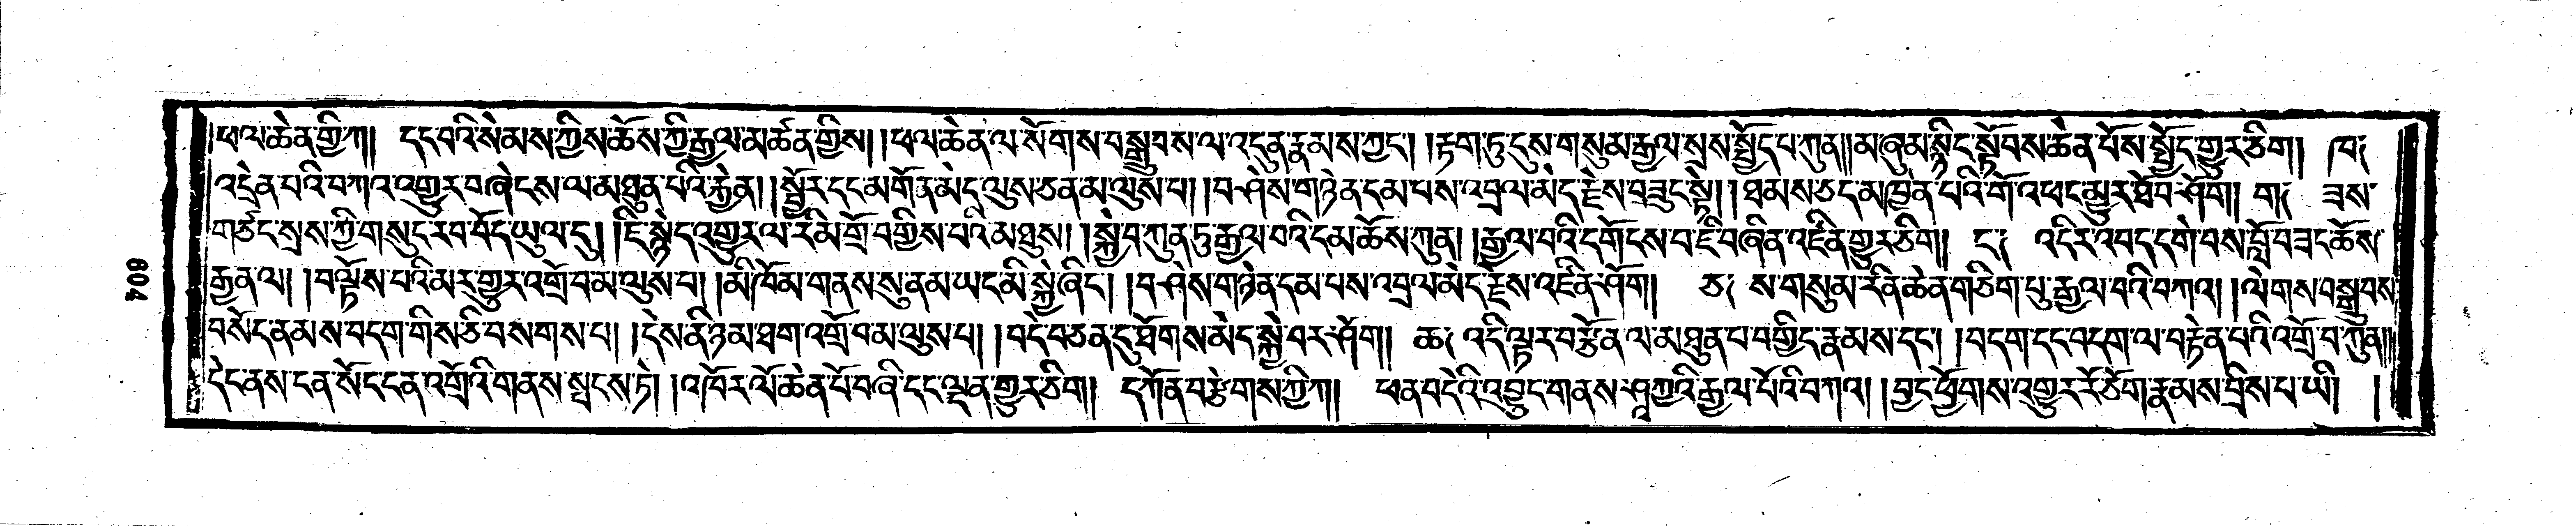ཕལ་ཆེན་གྱི་ཀ། དང་བའི་སེམས་ཀྱིས་ཆོས་ཀྱི་རྒྱལ་མཚན་གྱིས། །ཕལ་ཆེན་ལ་སོགས་བསྒྲུབས་ལ་འདུན་རྣམས་ཀྱང་། །རྟག་ཏུ་དུས་གསུམ་རྒྱལ་སྲས་སྤྱོད་པ་ཀུན། །མ་ཞུམ་སྙིང་སྟོབས་ཆེན་པོས་སྤྱོད་གྱུར་ཅིག །ཁ༑
འདྲེན་པའི་བཀའ་འགྱུར་བཞེངས་ལ་མཐུན་པའི་རྐྱེན། །སྦྱོར་དང་མགོན་མེད་ལུས་ཅན་མ་ལུས་པ། །བཤེས་གཉེན་དམ་པས་འབྲལ་མེད་རྗེས་བཟུང་སྟེ། །ཐམས་ཅད་མཁྱེན་པའི་གོ་འཕང་མྱུར་ཐོབ་ཤོག །ག༑ ཟས་
གཙང་སྲས་ཀྱི་གསུང་རབ་བོད་ཡུལ་དུ། །ཇི་སྙེད་འགྱུར་ལ་རིམ་གྲོ་བགྱིས་པའི་མཐུས། །སྐྱེ་བ་ཀུན་ཏུ་རྒྱལ་བའི་དམ་ཆོས་ཀུན། །རྒྱལ་བའི་དགོངས་པ་ཇི་བཞིན་འཛིན་གྱུར་ཅིག །ང༑ འདིར་འབད་དགེ་བས་བློ་བཟང་ཆོས་
རྒྱན་ལ། །བལྟོས་པའི་མར་གྱུར་འགྲོ་བ་མ་ལུས་པ། །མི་ཁོམ་གནས་སུ་ནམ་ཡང་མི་སྐྱེ་ཞིང་། །བཤེས་གཉེན་དམ་པས་འབྲལ་མེད་རྗེས་འཛིན་ཤོག །ཅ༑ ས་གསུམ་རིན་ཆེན་གཅིག་པུ་རྒྱལ་བའི་བཀའ། །ལེགས་བསྒྲུབས་
བསོད་ནམས་བདག་གིས་ཅི་བསགས་པ། །དེས་ནི་ཉམ་ཐག་འགྲོ་བ་མ་ལུས་པ། །བདེ་བ་ཅན་དུ་ཐོགས་མེད་སྐྱེ་བར་ཤོག །ཆ༑ འདི་ལྟར་བརྩོན་ལ་མཐུན་པ་བགྱིད་རྣམས་དང་། །བདག་དང་བདག་ལ་བརྟེན་པའི་འགྲོ་བ་ཀུན། །
དེང་ནས་ངན་སོང་ངན་འགྲོའི་གནས་སྤངས་ཏེ། །འཁོར་ལོ་ཆེན་པོ་བཞི་དང་ལྡན་གྱུར་ཅིག །དཀོན་བརྩེགས་ཀྱི་ཀ། ཕན་བདེའི་འབྱུང་གནས་ཤཱཀྱའི་རྒྱལ་པོའི་བཀའ། །བྱང་ཕྱོགས་འགྱུར་རོ་ཅོག་རྣམས་བྲིས་པ་ཡི། །